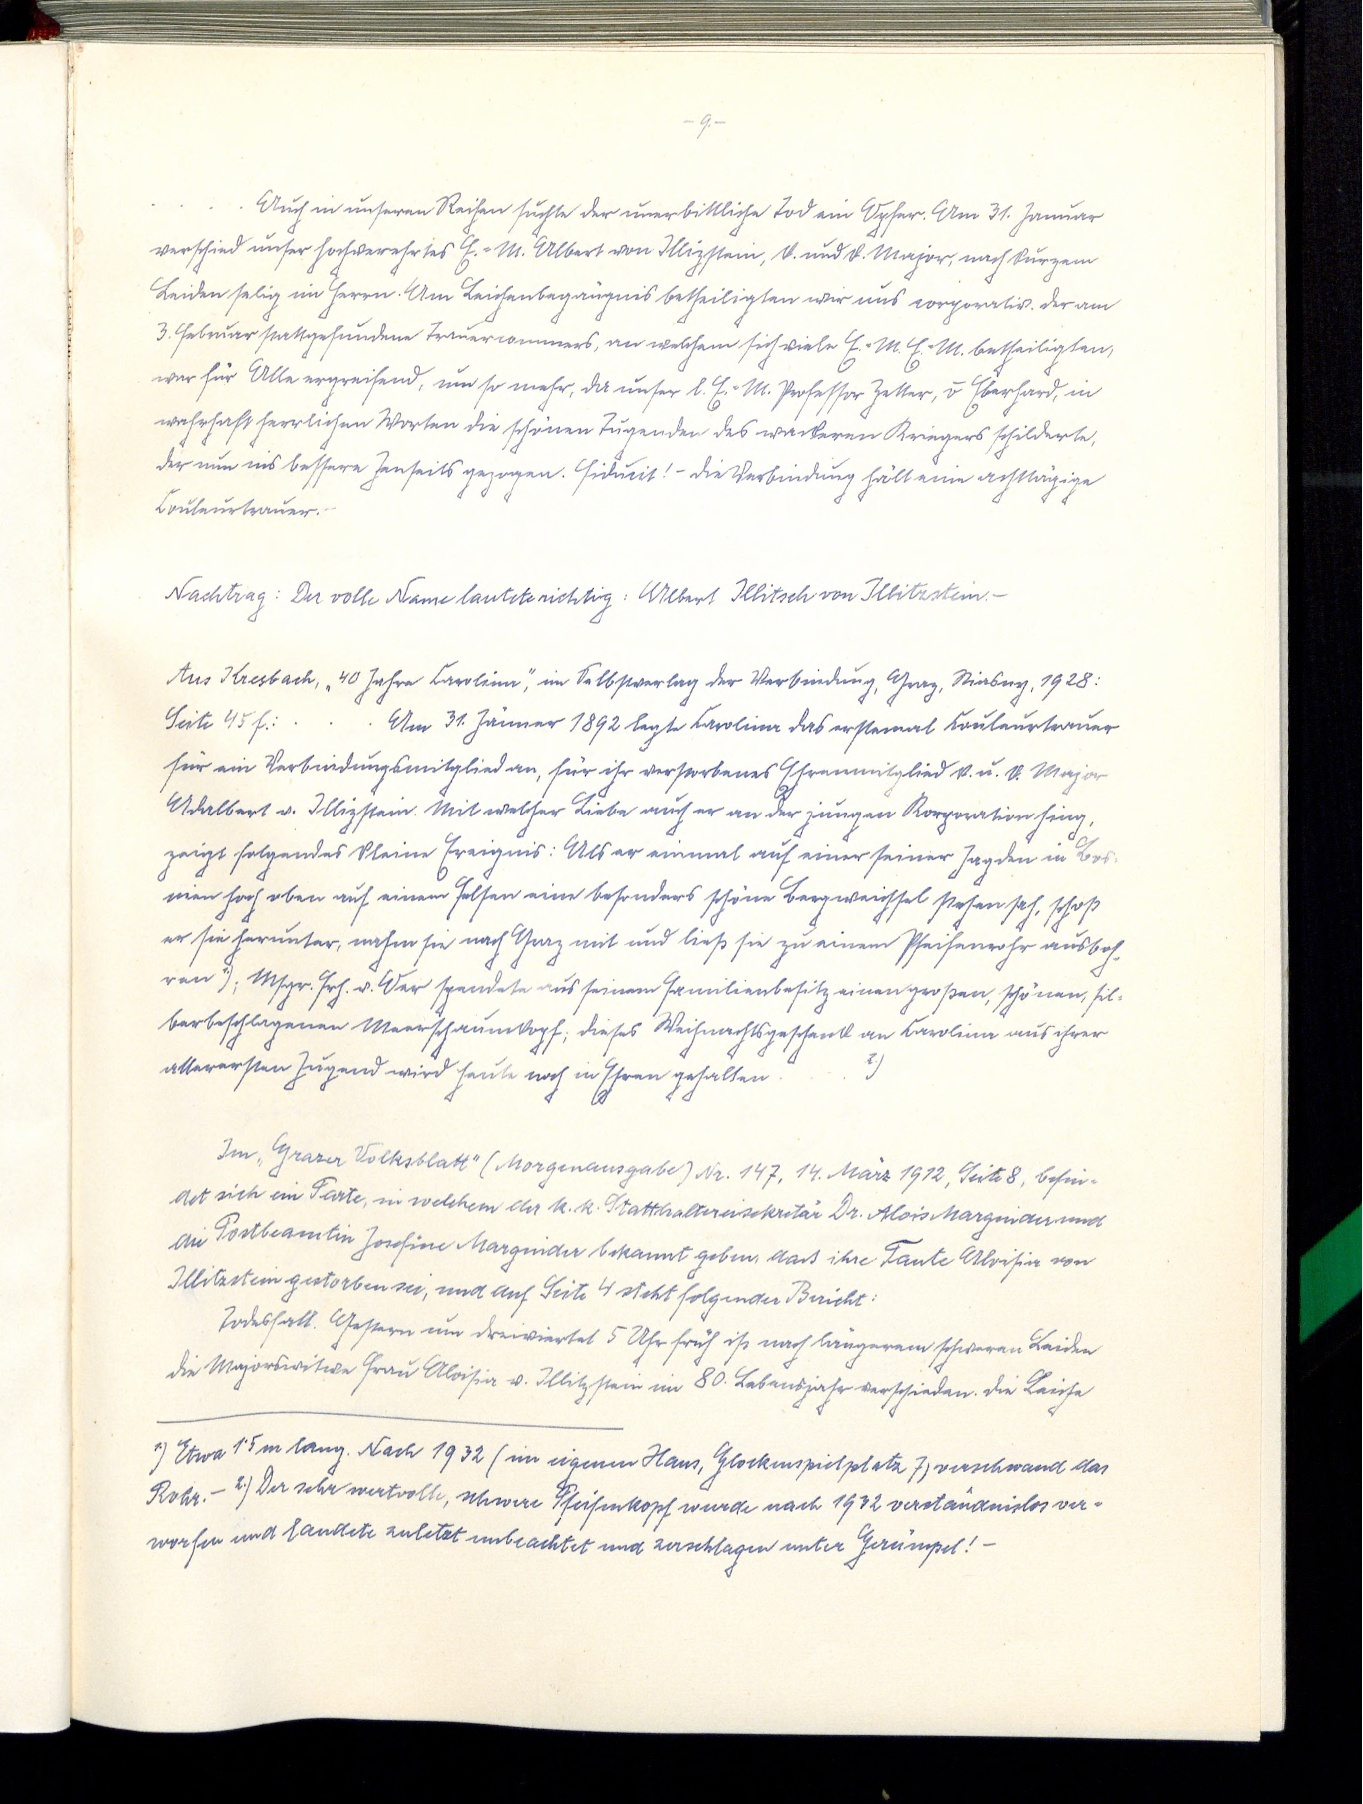-9.-
Auch in unserer Reihe suchte der unerbittliche Tod ein Opfer. Am 31. Am 31. Jänner
verschied unser hochverehrtes E.-M. Albert von Illizstein, k. und k. Major, nach kurzem
Leiden selig im Herrn. Am Leichenbegräbnis betheiligten wir uns corporatis. Der
am 3. September stattgefundene Trausercommers, an welchem sich viele E.-M. E.-M. betheiligten,
war für Alle ergreifend, um so mehr, da unser l. E.-M. Professor Zetter, v/o Eberhard, in
wahrhaft herrlichen Worten die schönen Tugenden des wackeren Kriegers schilderte,
der nun ins bessere Jenseits gegangen. Fiducit! - Die Verbindung hält eine achttägige
Couleurtrauer.
Nachtrag: Der volle Name lautete richtig: Albert Illitsch von Illitzstein. -
Aus Kresbach, "40 Jahre Carolina", im Selbstverlag der Verbindung, Graz, Stiersxxx, 1928:
Seite 45 f.:
Am 31. Jänner 1892 legte Carolina das erstemal Couleurtrauer
für ein Verbindungsmitglied an, für ihr verstorbenes Ehrenmitglied k. u. k. Major
Adalbert v. Illizstein. Mit welcher Liebe auch er an der jungen Korporation hing,
zeigt folgendes kleine Ereignis: Als er einmal auf einer seiner Jagden in Bos-
nien hoch oben auf einem Felsen eine besonders schöne Bergweichsel stehen sah, schloß
er sie herunter, nahm sie nach Graz mit und ließ sie zu einem Pfeifenrohr ausboh-
ren1.) Msgr. Frh. w. Wer spendete aus seinem Familienbesitz einen großen, schönen, sil-
berbeschlagenen Meerschaumkopf; dieses Weihnachtsgeschenck an Carolina aus ihrer
allerersten Jugend wird heute noch in Ehren gehalten.2.)
Im "Grazer Volksblatt" (Morgenausgabe) Nr. 147, 14. März 1912, Seite 8, befin-
det sich ein Parte, in welchem der k. k. Statthaltereisekretär Dr. Alois XXX
ein Postbeamtin Josefine Margreider bekannt geben, dass ihre Tante Aloisia von
Illitzstein gestorben sei, und auf Seite 4 steht folgender Bericht.
Todesfall. Gestern um dreiviertel 5 Uhr früh ist nach längerem schweren Leiden
die Majorswitwe Frau Aloisia v. Illitzstein im 80. Lebensjahr verschieden. Die Laiche
1.) Ewa 15m lang. Nach 1932 (im eigenen Haus, Glockenspielplatz 7) verschwand das
Rohr. - 2.) Der sehr wertvolle, XXX Pfeifenklopf wurde nach 1932 verständnislos ver-
worfen und landete zuletzt unbeachtet und zerschlagen unter Gerümple! -